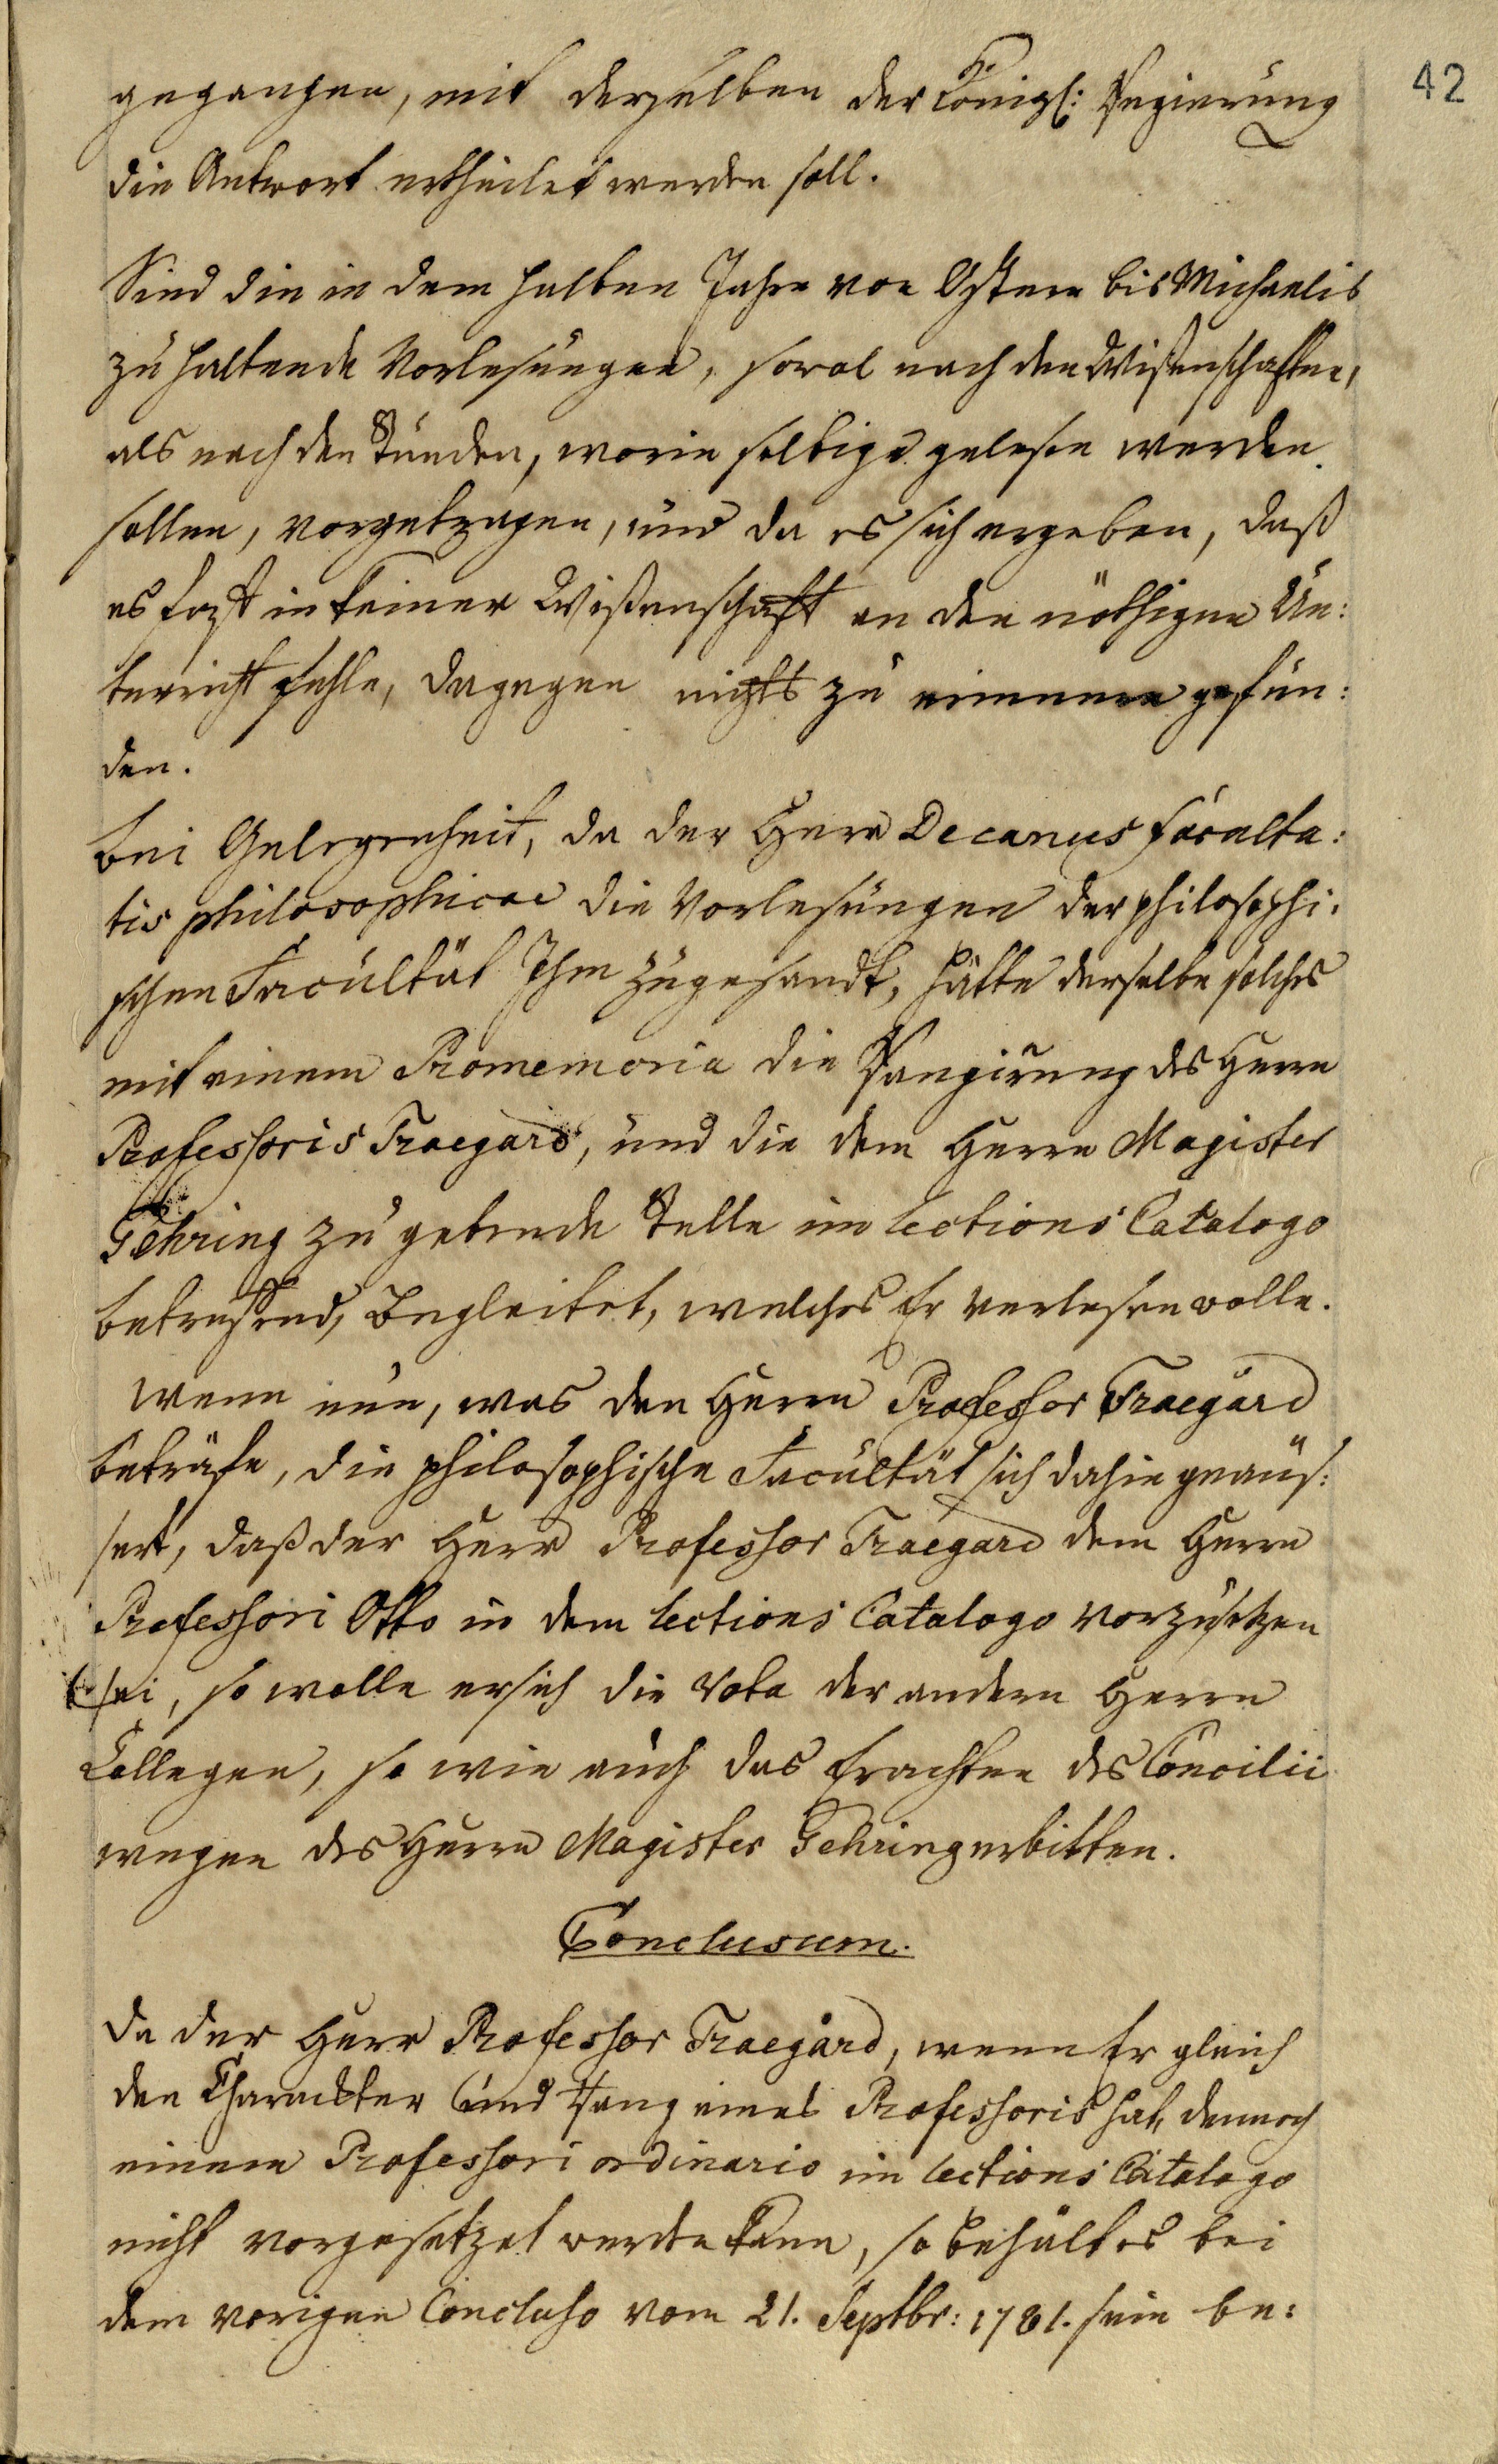gegangen, mit derselben der Königl. Regierung
die Antwort ertheilet werden soll.
Sind die in dem halben Jahre von Ostern bis Michaelis
zu haltende Vorlesungen, sowol nach den Wissenschaften,
als nach den Stunden, worin selbige gelesen werden
sollen, vorgetragen, und da es sich ergeben, daß
es sonst in keiner Wissenschaft an den nöthigen Un¬
terricht fehle, dagegen nichts zu erinnern gefun¬
den.
Bei Gelegenheit, da der Herr Decanus Faculta¬
tis philosophicae die Vorlesungen der philosophi¬
schen Facultät Ihm zugesandt, hätte derselbe solches
mit einem Promemoria die Rangirung des Herrn
Professoris Traegard, und die dem Herrn Magister
Gehring zu gebende Stelle im Lections Catalogo
betreffend, begleitet, welches Er verlesen wolle.
Wenn nun, was den Herrn Professor Traegård
beträfe, die philosophische Facultät sich dahin geäus¬
sert, daß der Herr Professor Traegard dem Herrn
Professori Otto in dem Lections Catalogo vorzusetzen
sei, so wolle er sich die vota der andern Herrn
Collegen, so wie auch das Erachten des Concilii
wegen des Herrn Magister Gehring erbitten.
Conclusum
Da der Herr Professor Traegård, wenn Er gleich
den Charakter und Rang eines Professoris hat, dennoch
einem Professori ordinario im Lections Catalogo
nicht vorgesetzet werden kann, so behält es bei
dem vorigen Concluso vom 21. Septbr. 1781. sein be¬